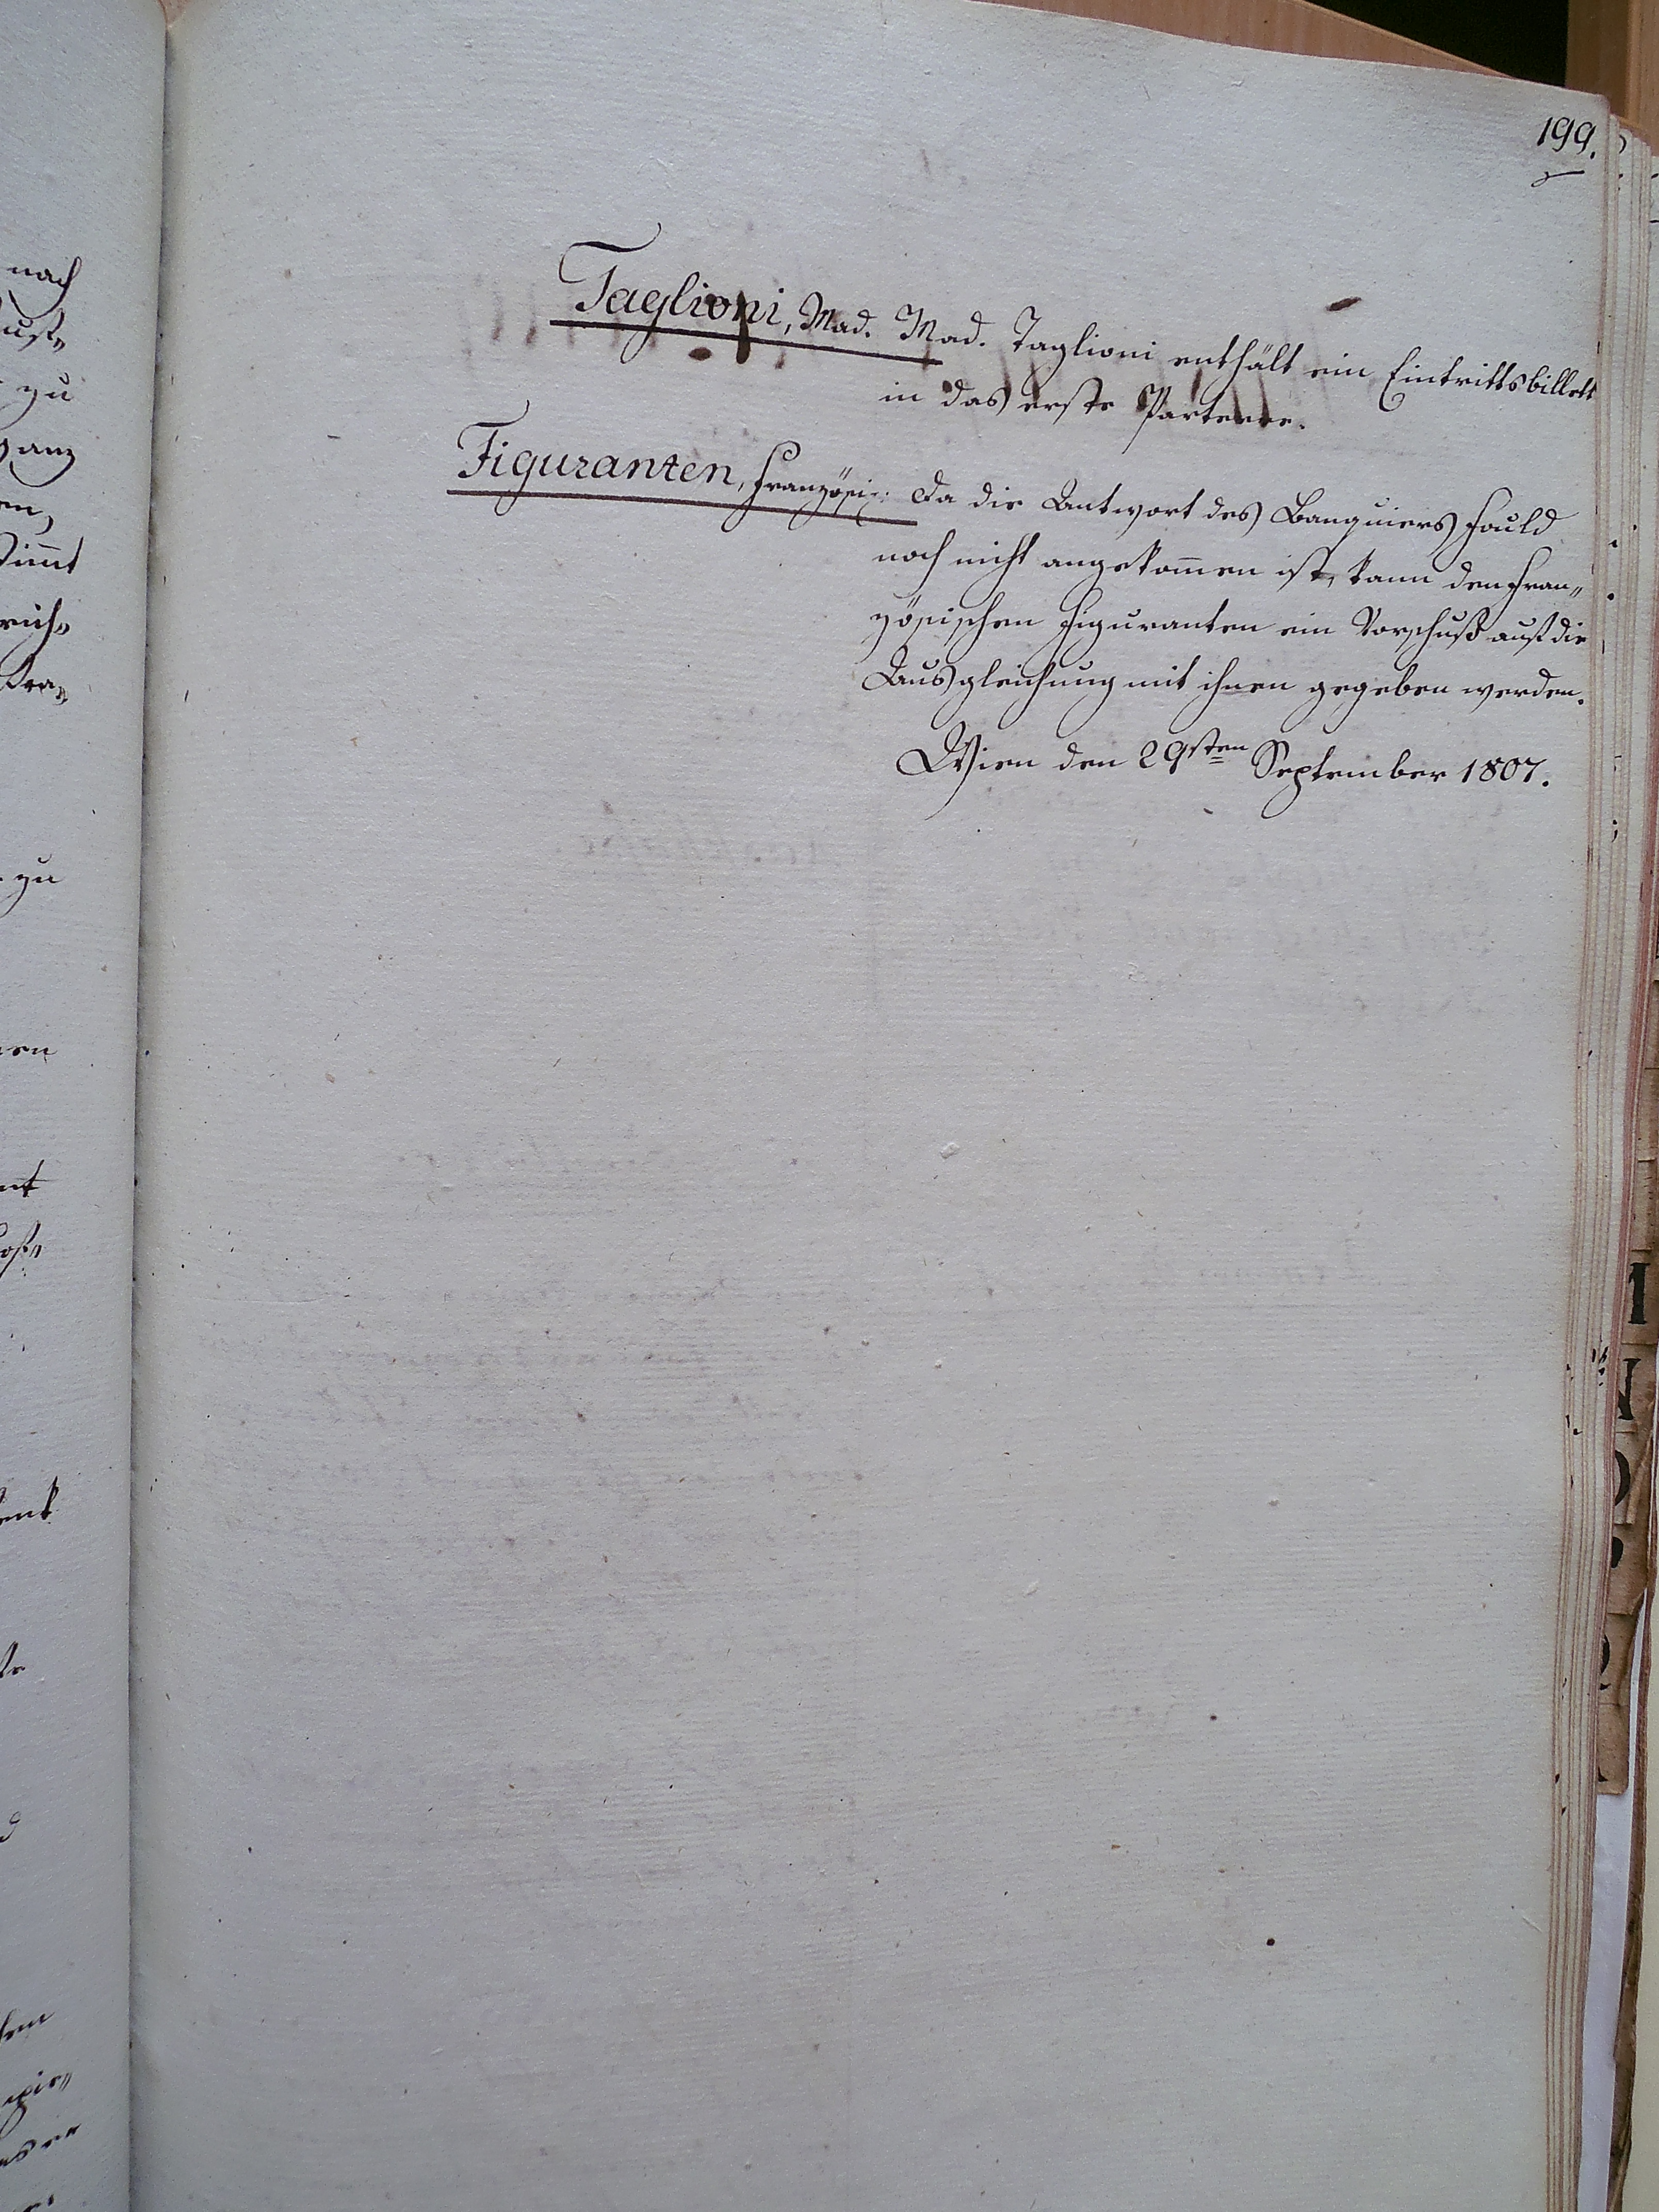199.
Taglioni, Mad. Mad. Taglioni enthält ein Eintrittsbillett
in das erste Parterre.
Figuranten, Französis: Da die Antwort des Banquiers Fould
noch nicht angekom̅en ist, kann den Fran¬
zösischen Figuranten ein Vorschuß auf die
Ausgleichung mit ihnen gegeben werden.
Wien den 29ste͇n September 1807.